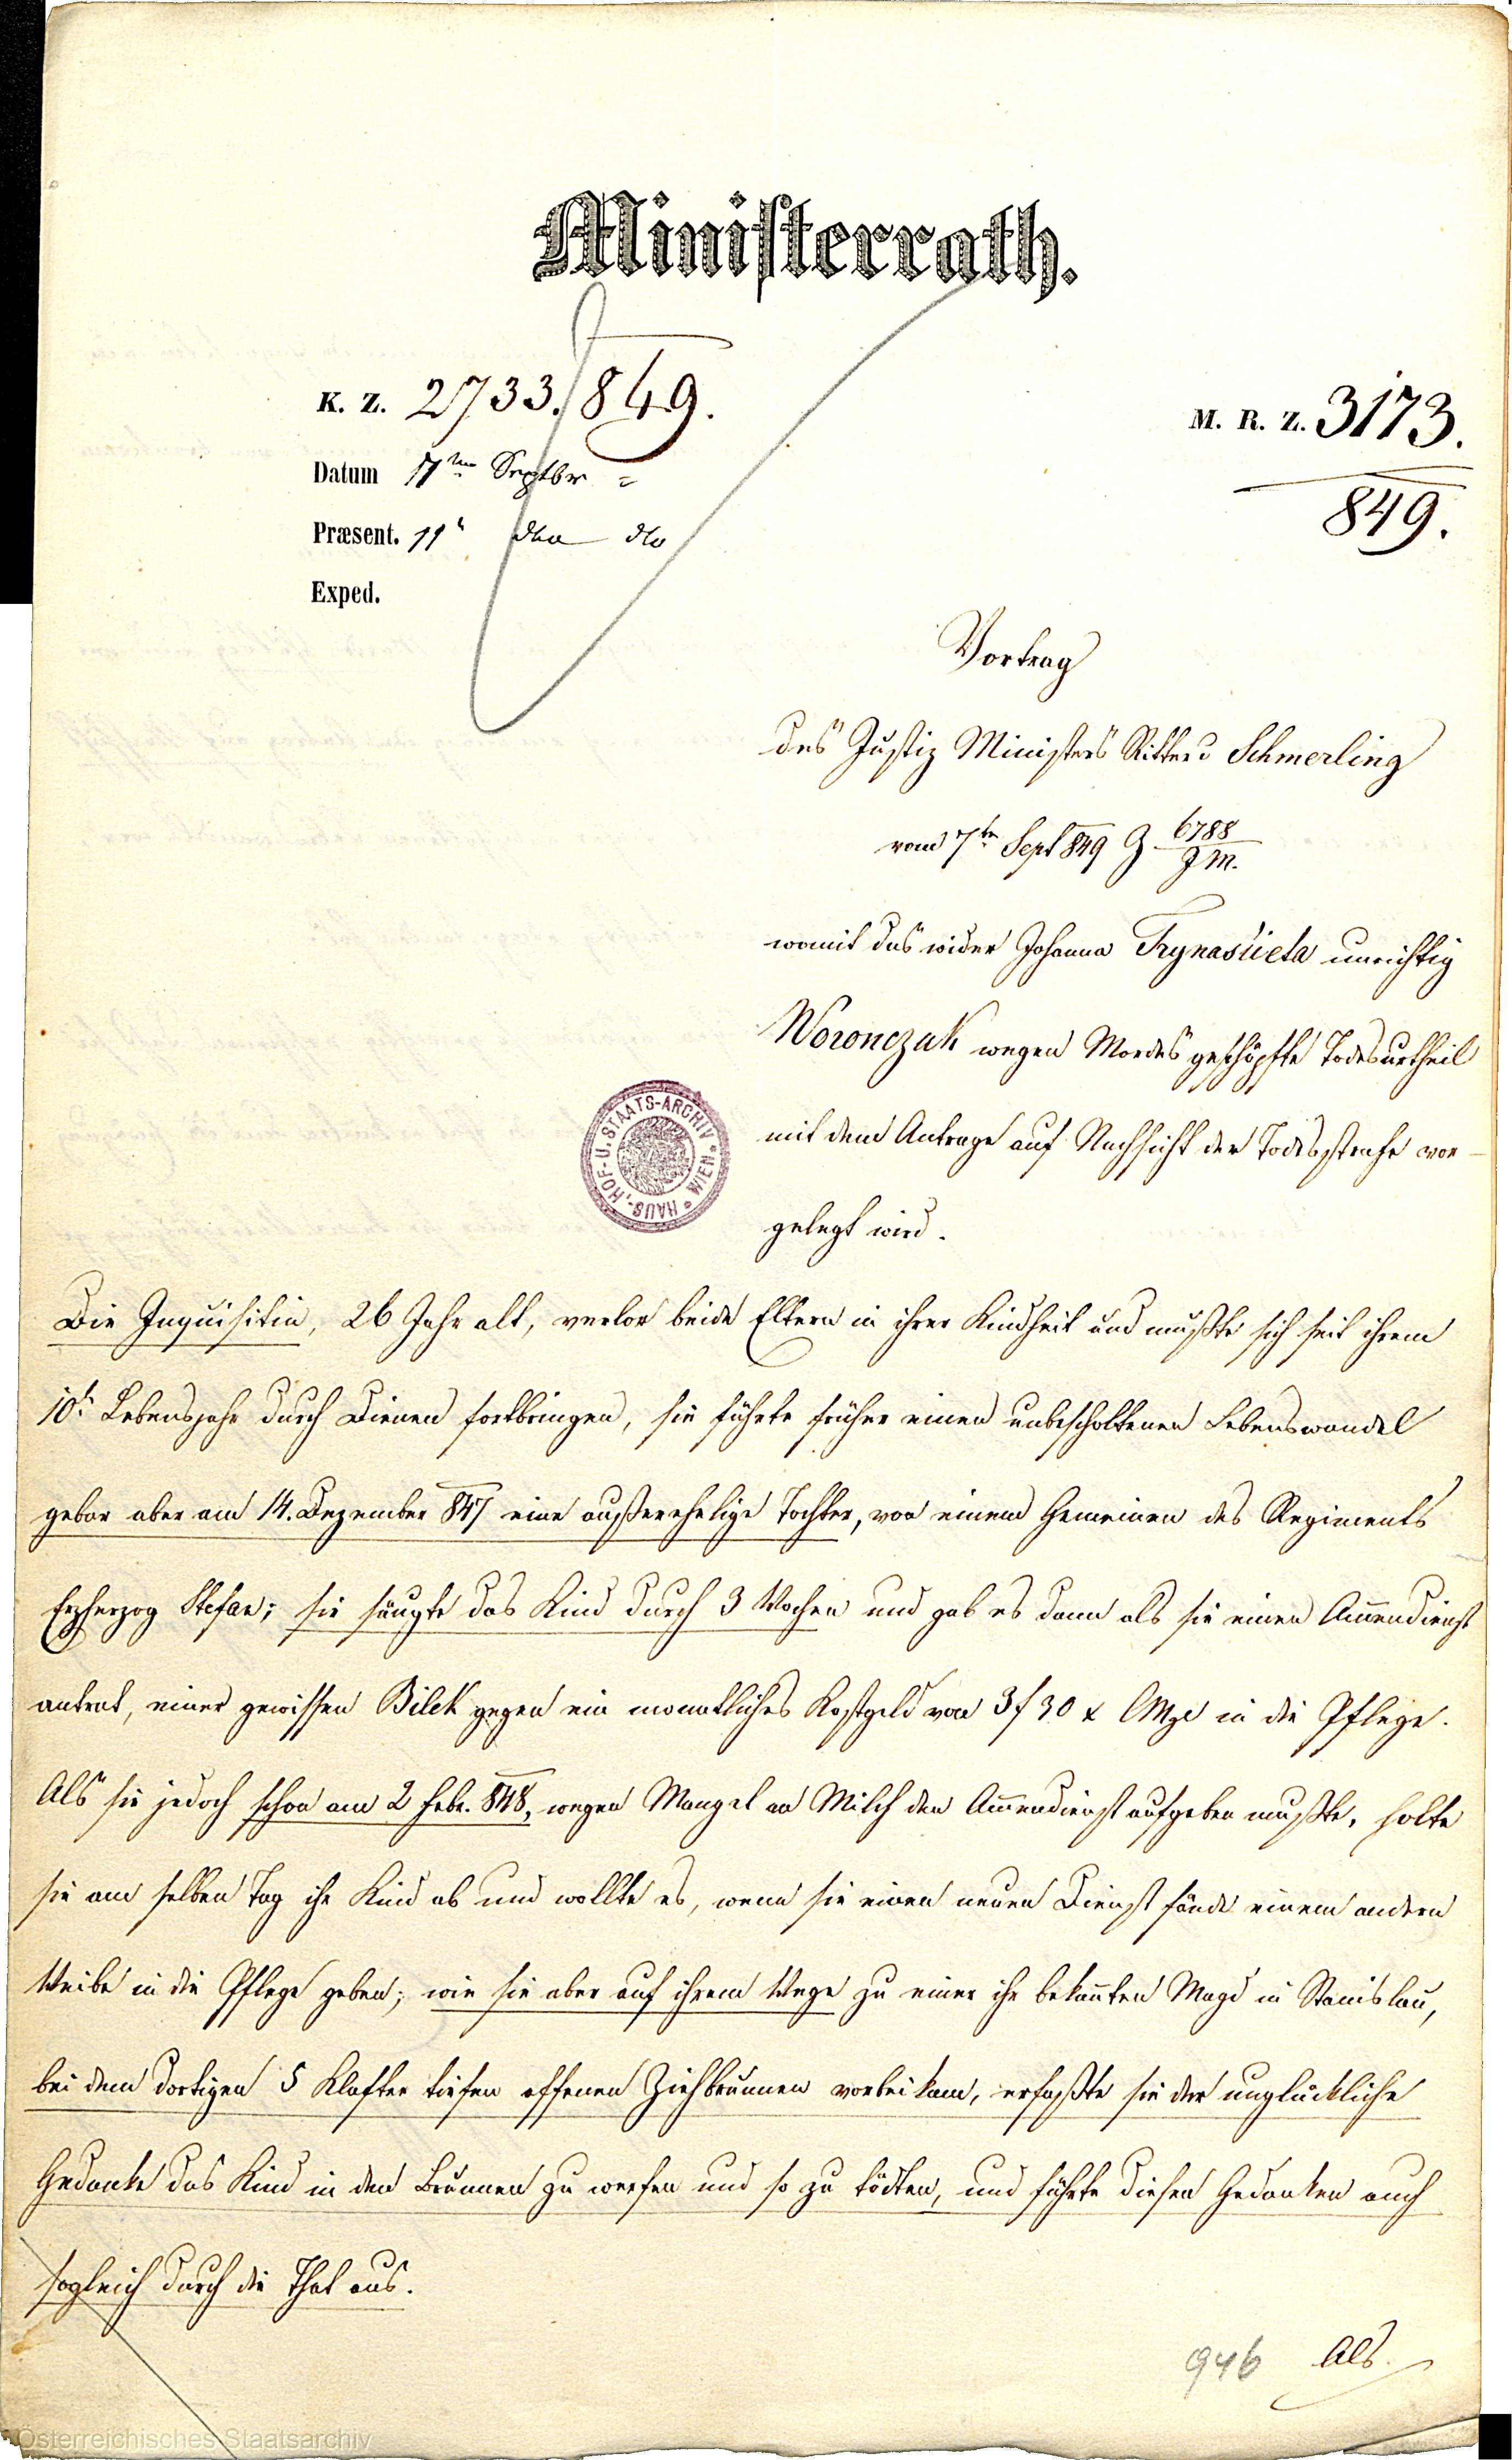Ministerrath
KZ 2733 849
Datum 11ten Septbr “
Praesent 11 dto dto
Exped.
MRZ 3173
849
Vortrag
des Justiz Ministers Ritter v. Schmerling
vom 7ten Sept 849 Z 6788/
JM.
womit das wider Johanna Trynaścieta unrichtig
Woronczak wegen Mordes geschöpfte Todesurtheil
mit dem Antrage auf Nachsicht der Todesstrafe vor¬
gelegt wird.
Die Inquisitin, 26 Jahr alt, verlor beide Eltern in ihrer Kindheit und mußte sich seit ihrem
10. Lebensjahr durch Dienen fortbringen, sie führte früher einen unbescholtenen Lebenswandel
gebar aber am 14. Dezember 847 eine außereheliche Tochter, vom einem Gemeinen des Regiments
Erzherzog Stefan; sie säugte das Kind durch 3 Wochen und gab es dann als sie einen Ammendienst
antrat, einer gewissen Bilek gegen ein monatliches Kostgeld von 3f30x CMze in die Pflege.
Als sie jedoch schon am 2 Febr 848, wegen Mangel an Milch den Ammendienst aufgeben mußte, holte
sie am selben Tag ihr Kind ab und wollte es, wenn sie einen neuern Dienst fände einen anderen
Weibe in die Pflege geben; wie sie aber auf ihrem Wege zu einer ihr bekannten Magd in Stanislau,
bei dem dortigen 5 Klafter tiefen offenen Ziehbrunnen vorbeikam, erfaßte sie der unglückliche
Gedanke das Kind in den Brunnen zu werfen und so zu tödten, und führte diesen Gedanken auch
sogleich durch die That aus.
916
als